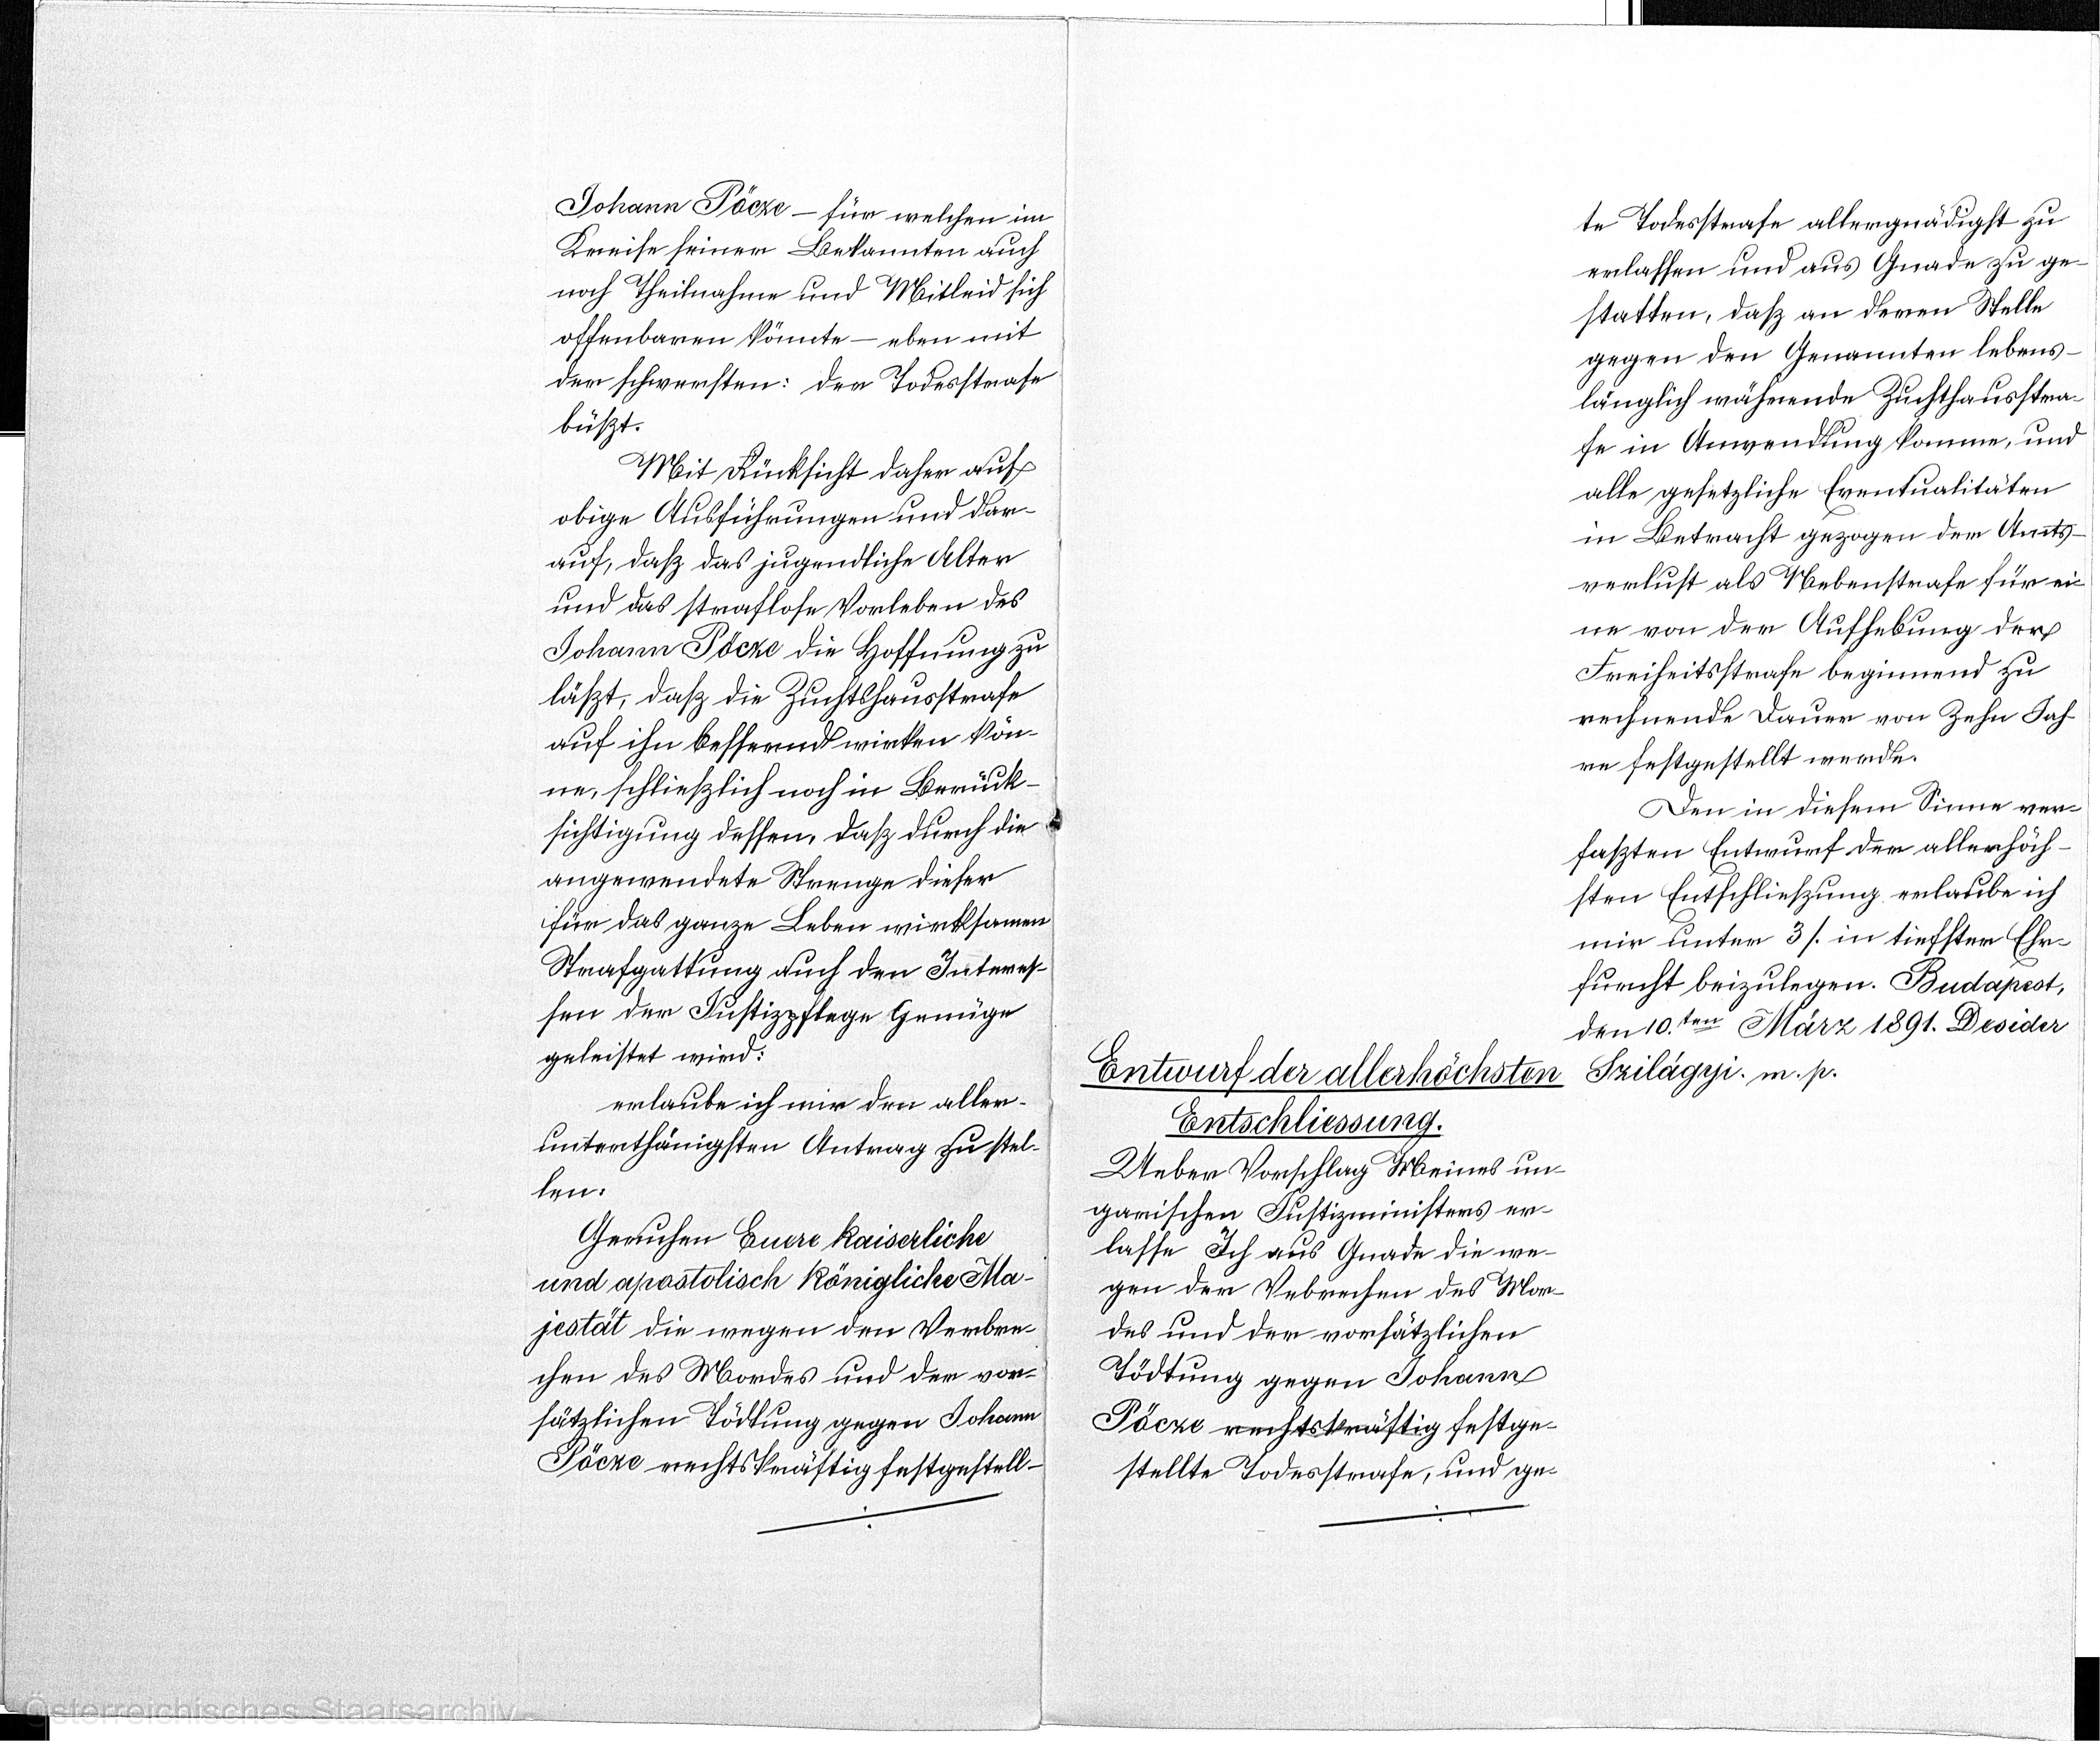Johann Pöcze – für welchen im
Kreise seiner Bekannten auch
noch theilnahme und Mitleid sich
offenbaren könnte – eben mit
der schwersten: der Todesstrafe
büßt.
Mit Rücksicht daher auf
obige Ausführungen und dar¬
auf, daß das jugendliche Alter
und das straflose Vorleben des
Johann Pöcze die Hoffnung zu¬
läßt, das die Zuchthausstrafe
auf ihn bessernd wirken kön¬
ne, schließlich noch in Berück¬
sichtigung dessen, daß durch die
angewendete Strenge dieser
für das ganze Leben wirksamen
Strafgattung auch den Interessen
der Justizpflege Genüge
geleistet wird:
Erlaube ich mir den aller¬
unterthänigsten Antrag zu stel¬
len:
Geruhen Euere kaiserliche
und apostolisch königliche Ma¬
jestät die wegen den Verbre¬
chen des Mordes und der vor¬
sätzlichen Tödtung gegen Johann
Pöcze rechtskräftig festgestell¬
te Todesstrafe allergnädigst zu
erlassen und aus Gnade zu ge¬
statten, daß an deren Stelle
gegen den Genannten lebens¬
länglich währende Zuchthausstra¬
fe in Anwendung komme, und
alle gesetzliche Eventualitäten
in Betracht gezogen der Amts¬
verlust als Nebenstrafe für ei¬
ne von der Aufhebung der
Freiheitsstrafe beginnend zu
rechnende Dauer von Zehn Jah¬
re festgestellt werde.
Den in diesem Sinne ver¬
faßten Entwurf der allerhöch¬
sten Entschließung erlaube ich
mir unter 3) in tiefster Her¬
furcht beizulegen. Budapest,
den 10ten März 1891 Desider
Szilágyi m.p.
Entwurf der allerhöchsten
Entschliessung
Ueber Vorschlag Meines un¬
garischen Justizministers er¬
lasse Ich aus Gnade die we¬
gen der Verbrechen des Mor¬
des und der vorsätzlichen
Tödtung gegen Johann
Pöcze festge¬
stellte Todestrafe, und ge¬